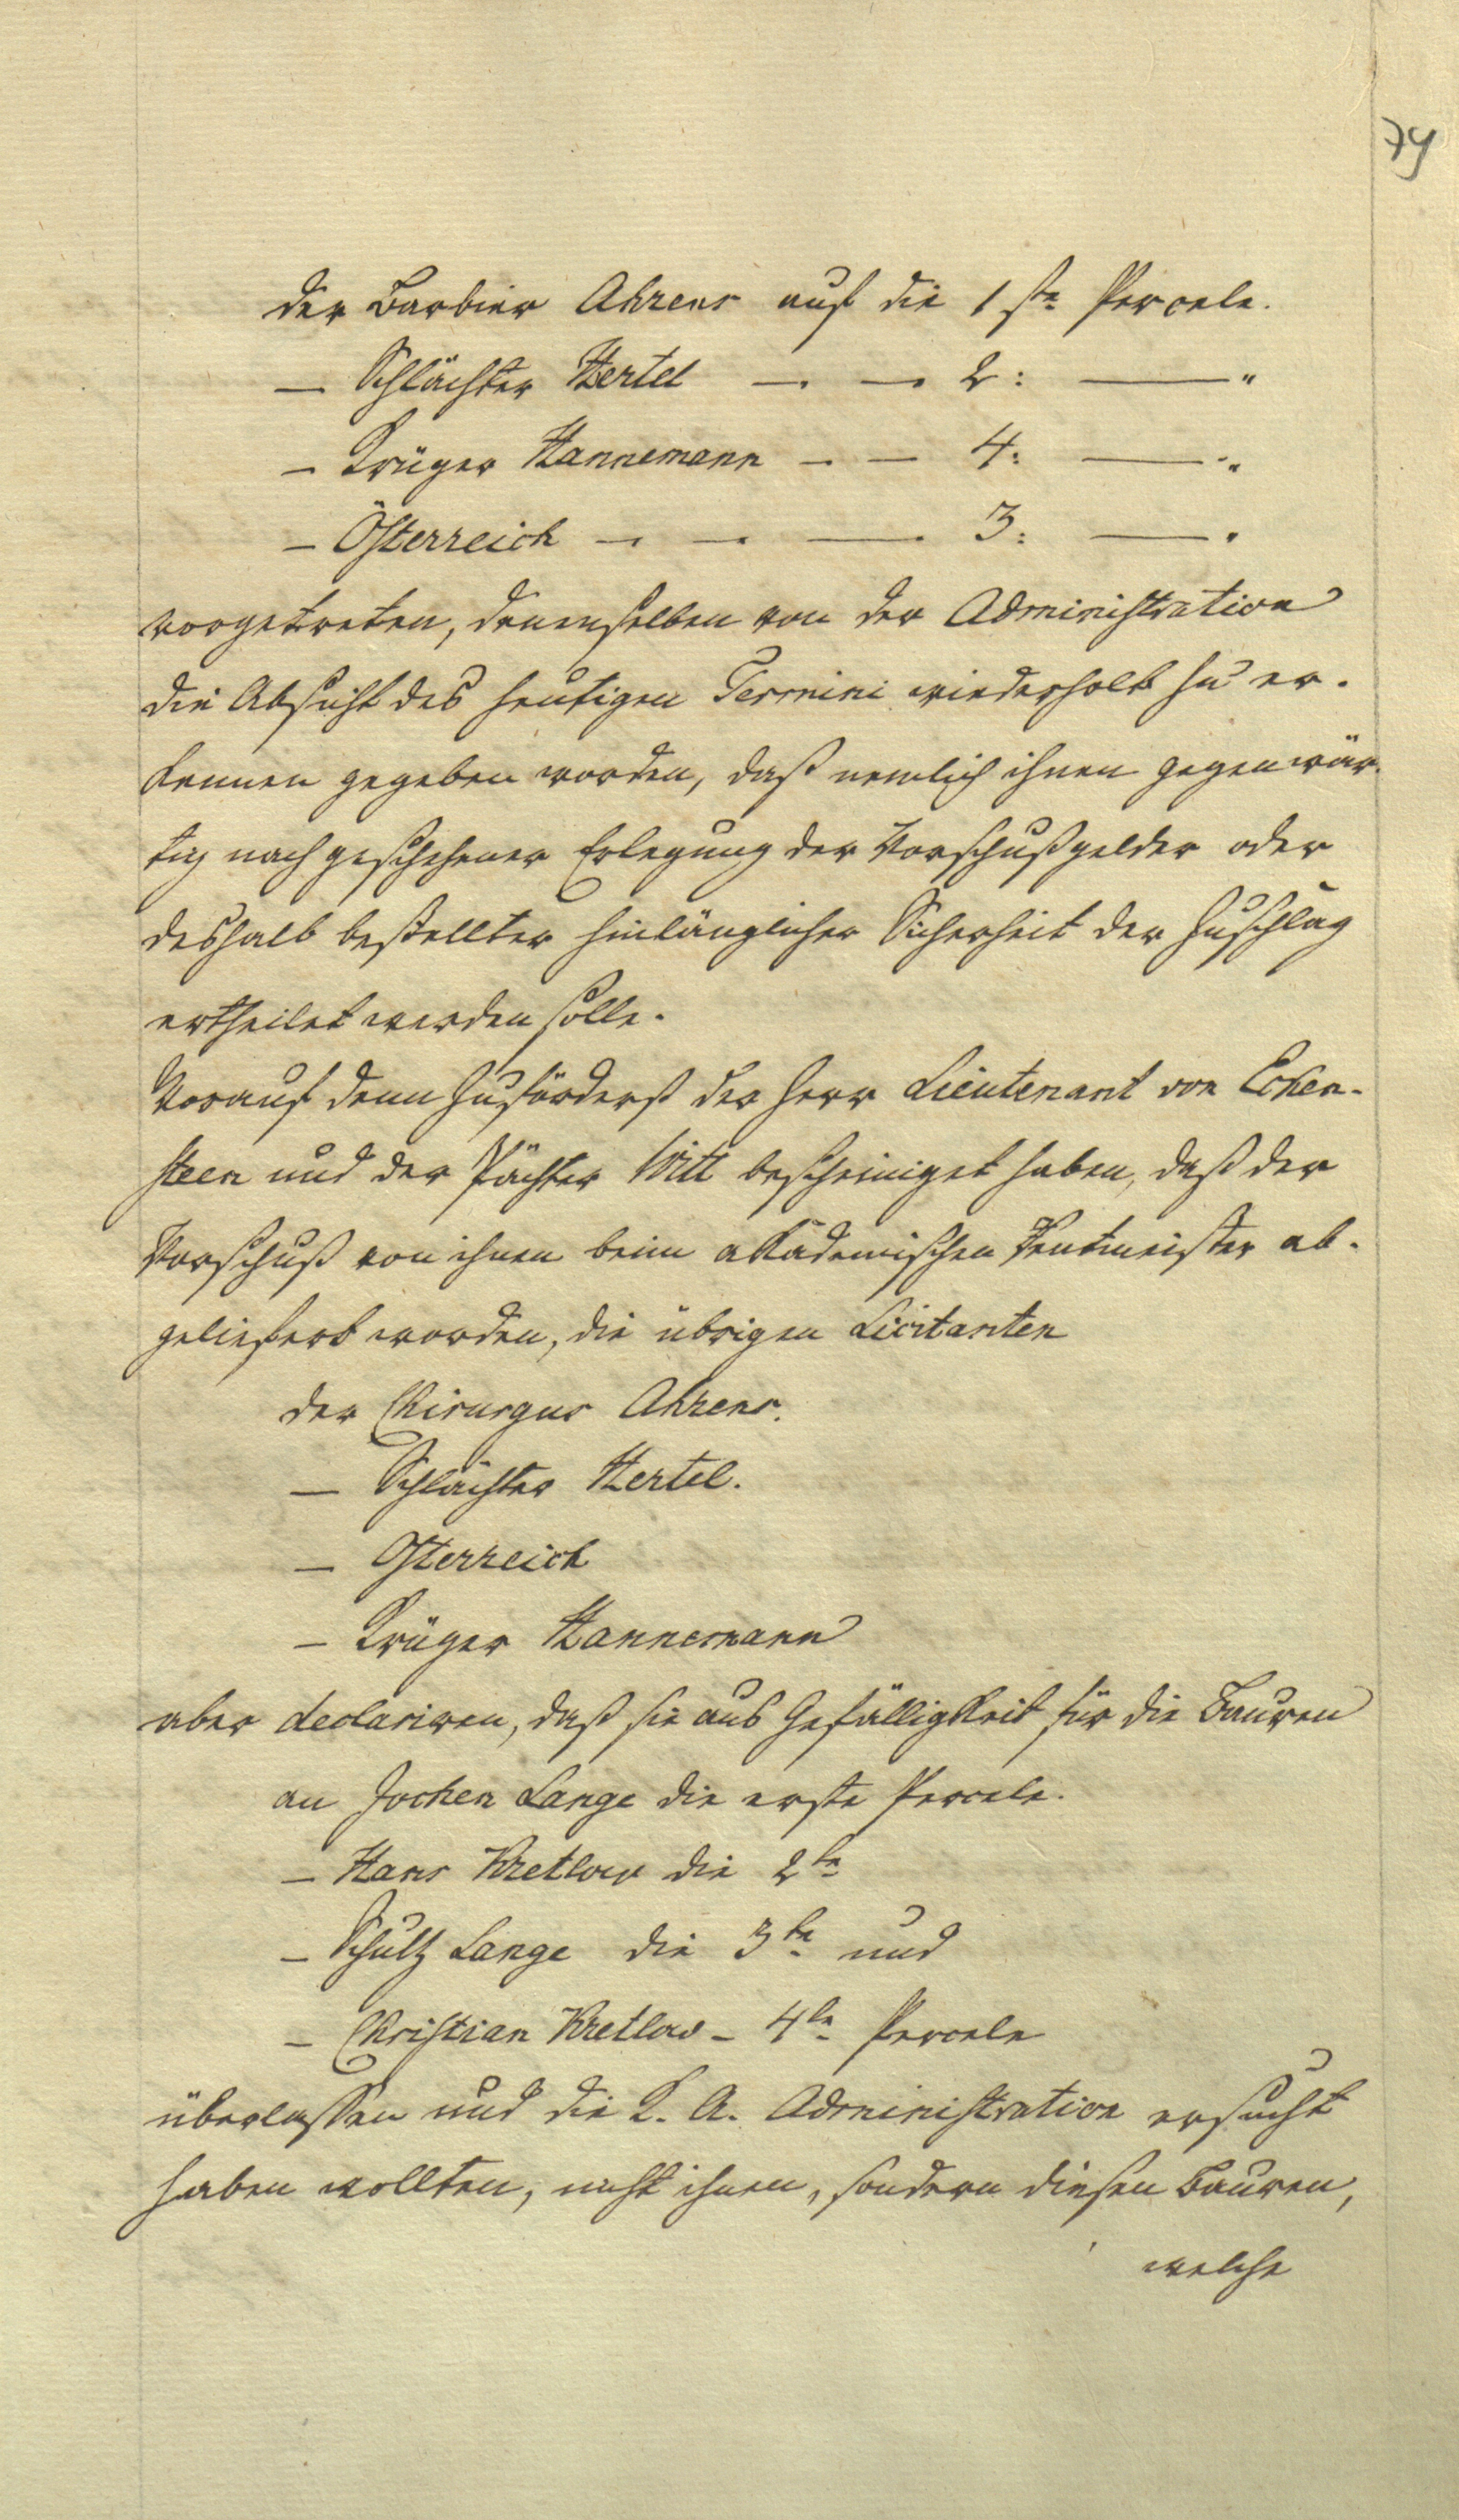der Barbier Ahrens auf die 1 ste. Percele.
Schlächter Hertel 2:
Krüger Hannemann 4:
Österreich 3:
vorgetreten, denselben von der Administration
die Absicht des heutigen Termini wiederholt zu er¬
kennen gegeben worden, daß nemlich ihnen gegenwär¬
tig nach geschehener Erlegung der Vorschußgelder oder
deshalb bestellter hinlänglicher Sicherheit der Zuschlag
ertheilet werden solle.
Worauf denn zuförderst der Herr Lieutenant von Ecken¬
steen und der Pächter Witt bescheiniget haben, daß der
Vorschuß von ihnen beim akademischen Rentmeister ab¬
geliefert worden, die übrigen Licitanten
der Chirurgus Ahrens.
Schlächter Hertel.
Osterreich.
Krüger Hannemann
aber declariren, daß sie aus Gefälligkeit für die Bauren
an Jochen Lange die erste Percele.
Hans Kretlow die 2 te
Schulz Lange die 3 te und
Christian Kretlow 4 te Percele
überlassen und die K. A. Administration ersucht
haben wollten, nicht ihnen, sondern diesen Bauren,
welche